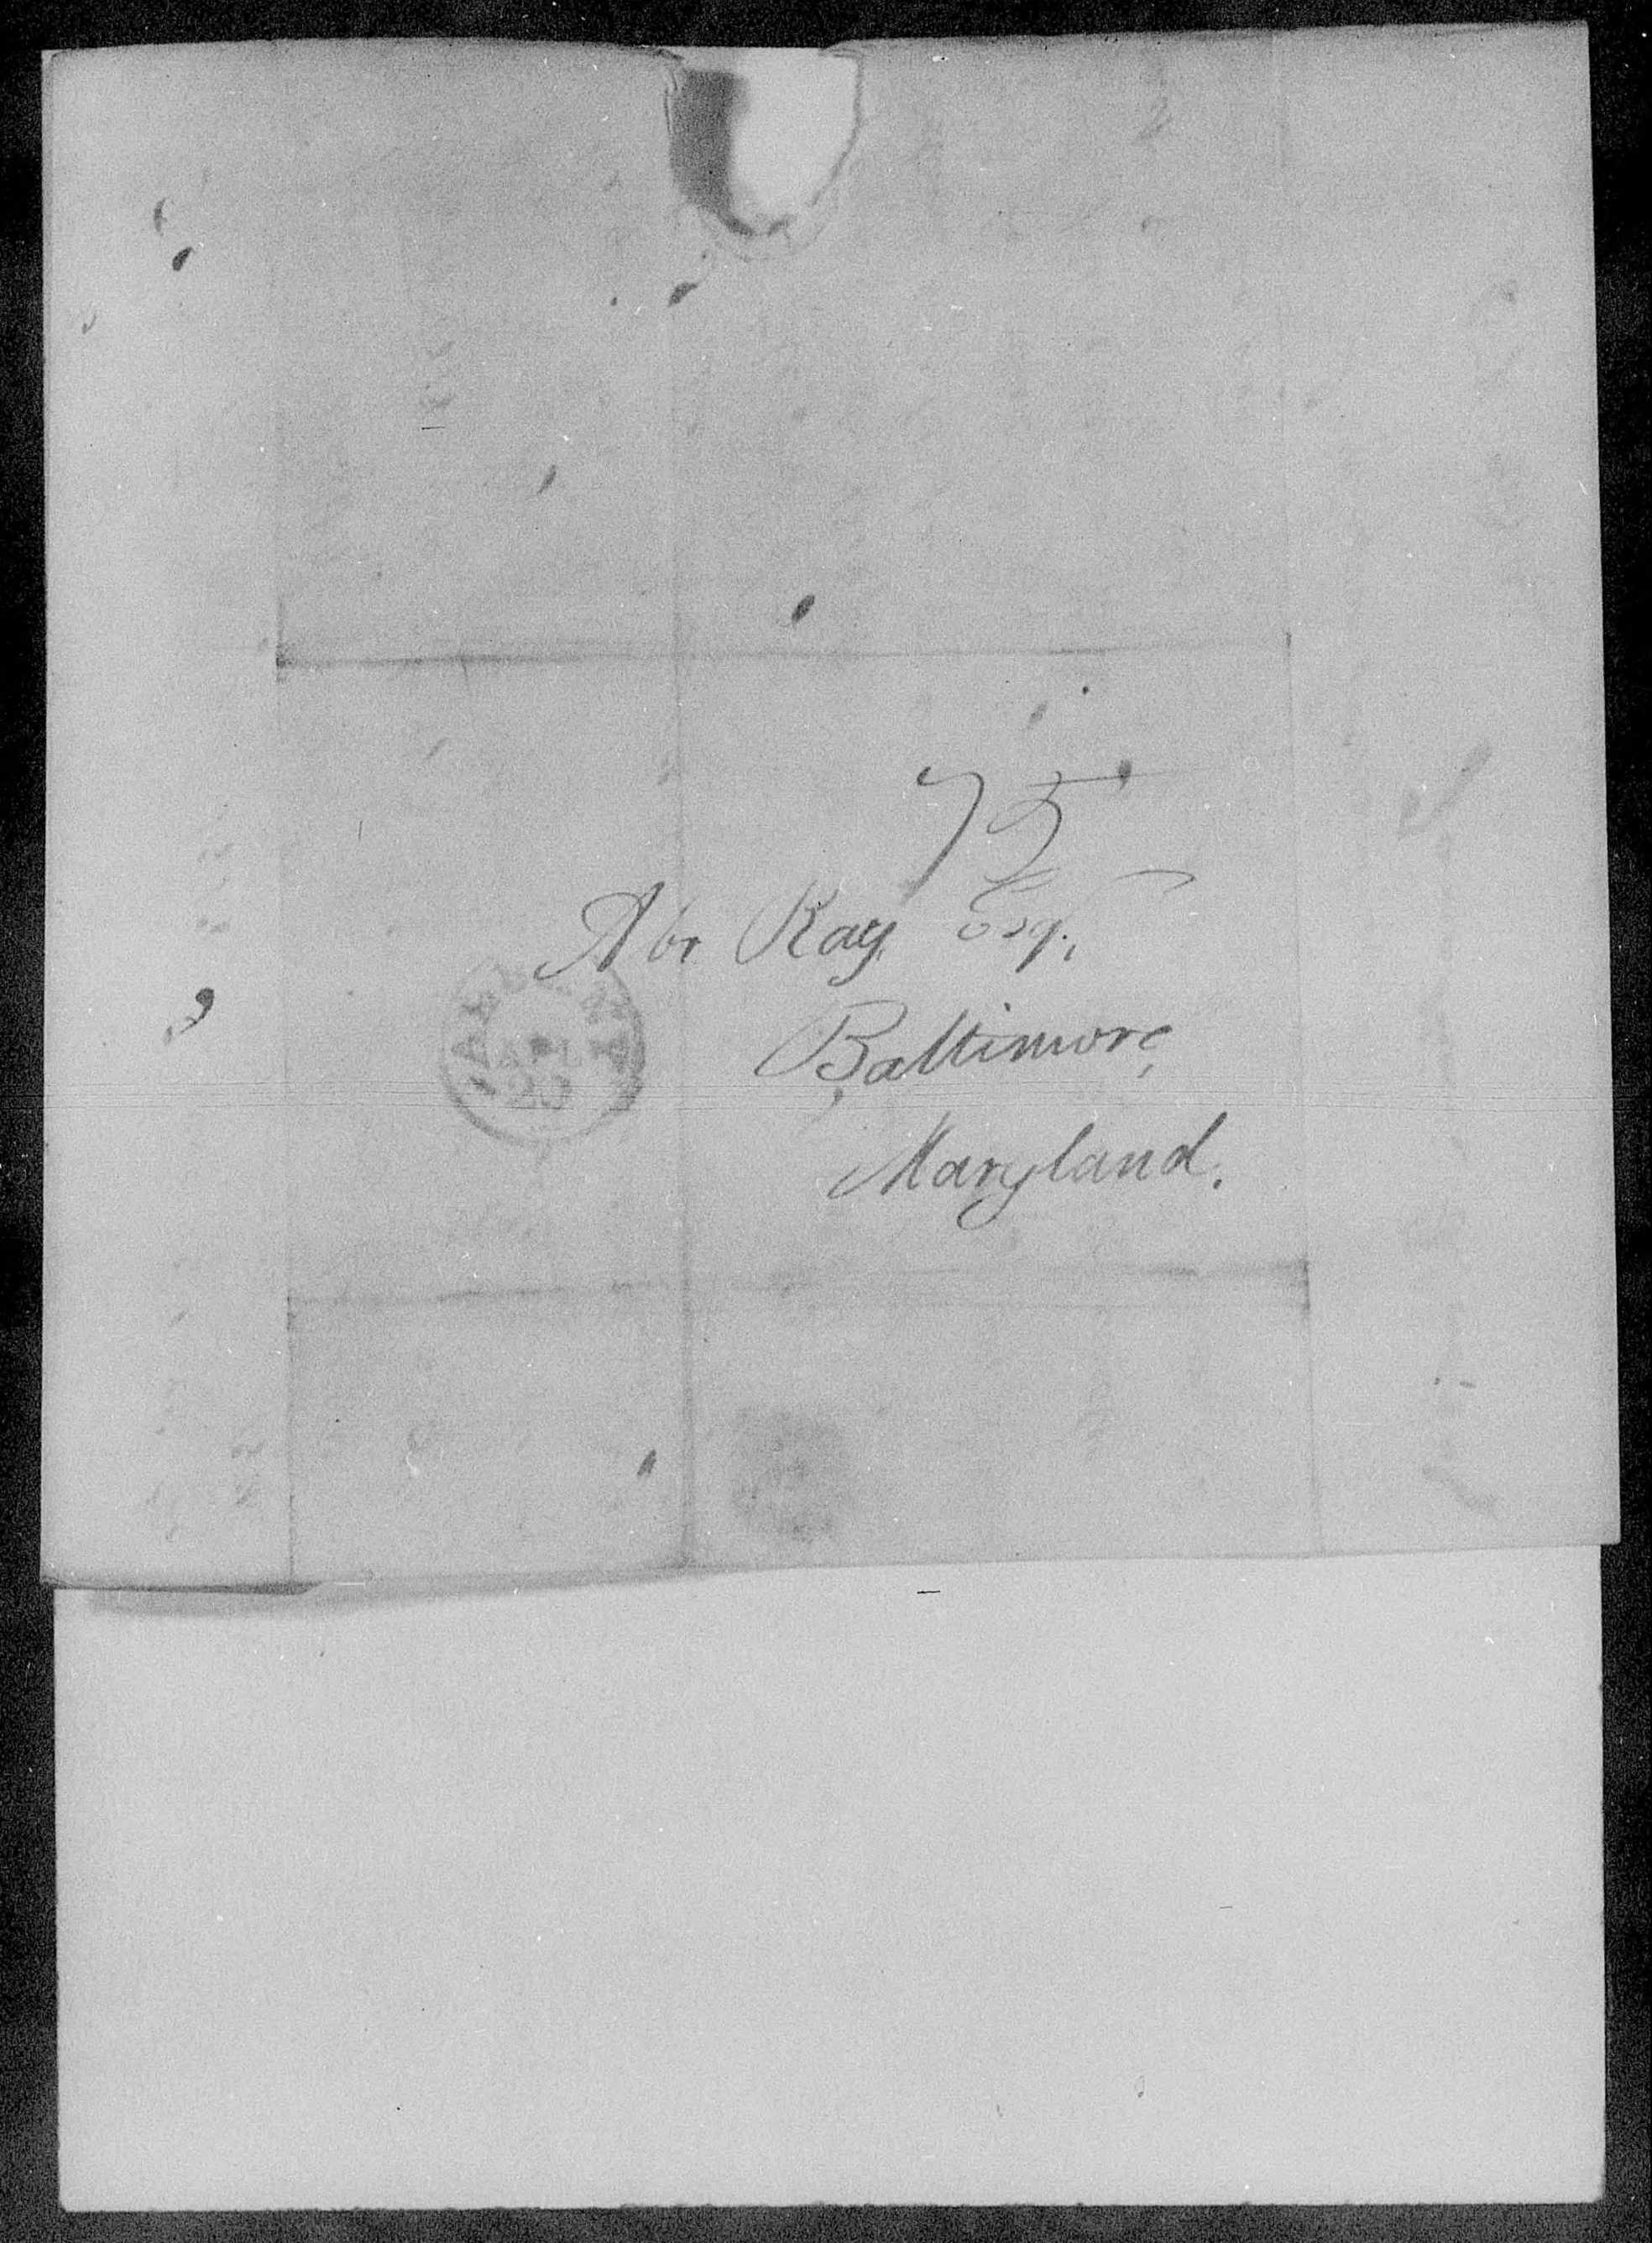75
Abr Ray, Esq.
Baltimore,
Maryland

ALBANY
APR
20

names: Abe Ray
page: 4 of 52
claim: widow's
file: W 19755, Jonathan Hoard, Mass.